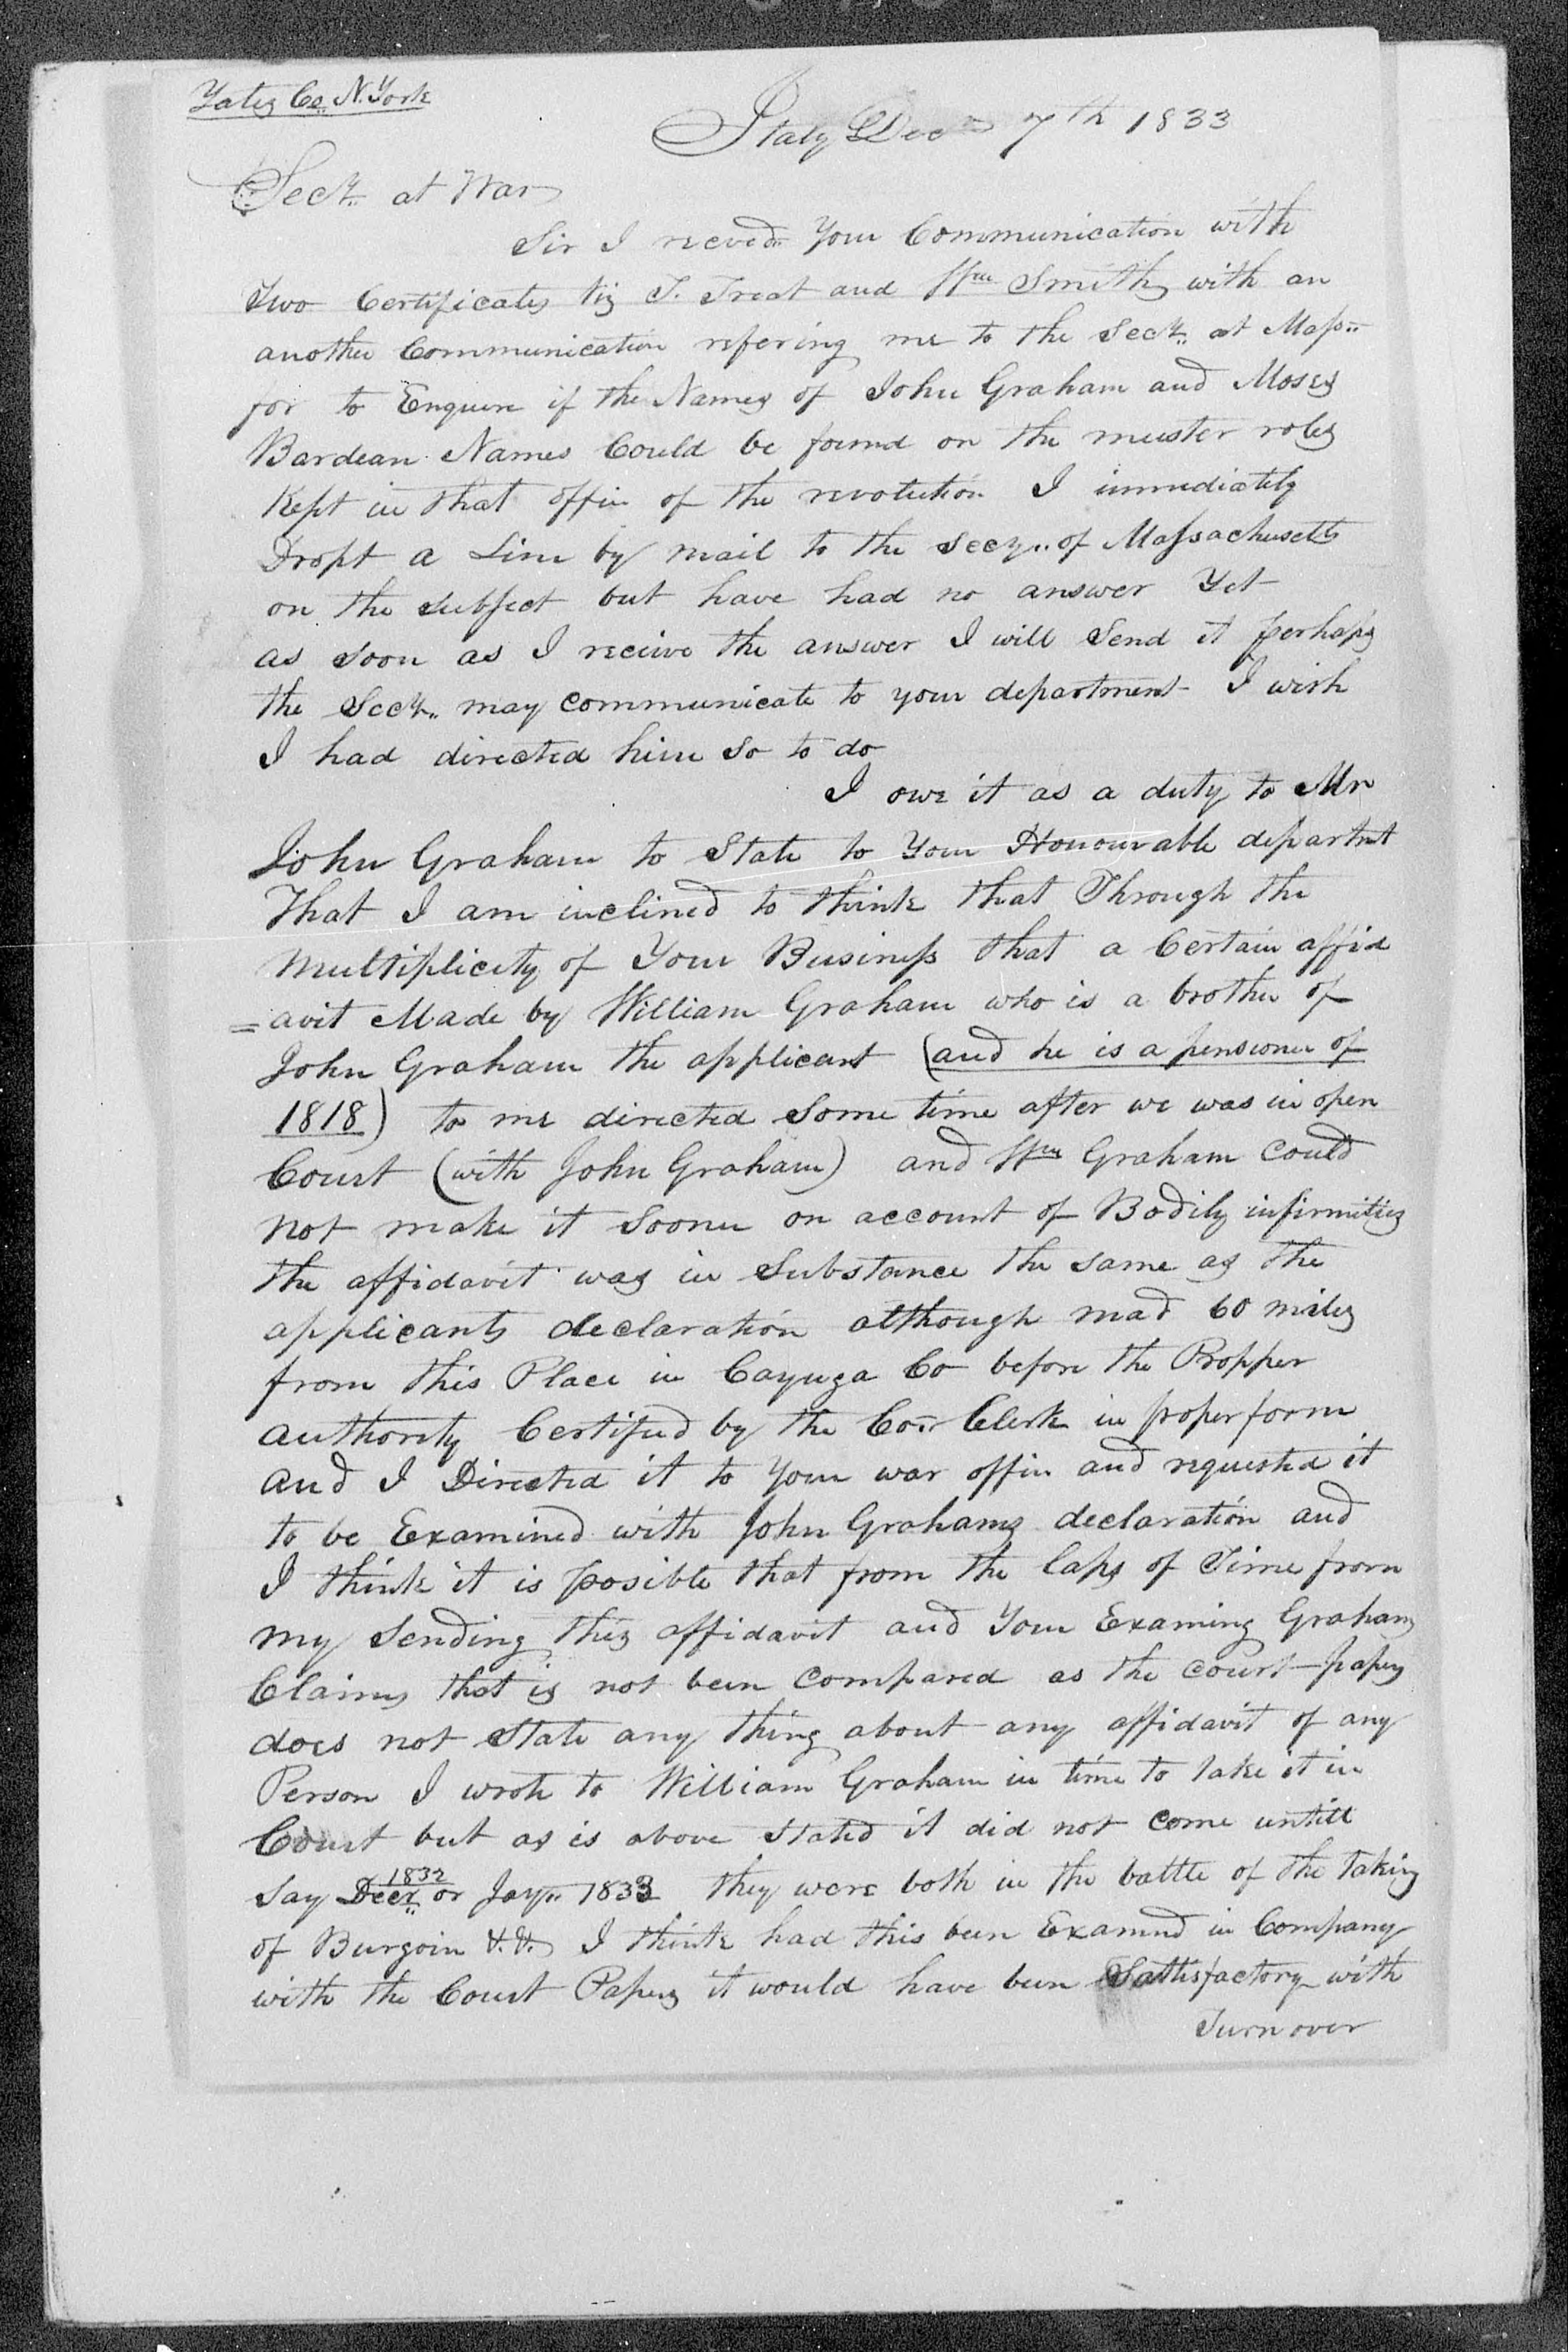Yates [illegible]
July [Illegible] 7th 1833
Sect at War
Sir I recved Your Communication with [illegible] Certificate [illegible] [illegible] and 11[illegible] with an another Communication referring referring me to the Sect at [illegible] for Enquiry if the Name of John Graham and Mary Bardean Names could be found on the muster roles kept in that office of the revolution. I immediately dropt a line by mail to secy of Masschuetts on the [illegible] but have had no answer yet as soon as I receive the answer I will send it [illegible] the Sec may communicate to your department.  I wish I had directed him so to do.
I owe it as a duty to [illegible] John Graham to state to you Honourable department that I am inclined to think that though the multiplicity of Your Businiss that a certain [illegible] avit Made by William Graham who is a brother of John Graham the applicant ( [underlined] and he is a pensioner of  1818) to me directed some time after we was in open Court (with John Graham) and Wm Graham could not make it sooner on account of bodily infirmity the affidavit was in Substance the same as the applicants declaration although mad 60 miles from this place in Cayuga Co before the Proper authority  Certified by the  Co Clerk in proper form and I Directed it to your war office and requested it to be Examined with John Grahams declaration and I think it is possible that from the laps of time from my sending this affidavit and Your Examing Grahams Claims that is not been compared as the court copy does not State any thing about any affidavit of any Person I wrote to William Graham in time to take it in Court but as is above stated it did not come until Say Dec 1832 or Jan 1833 they were both in battle of the Taking of Burgoin T.V. I think had this been Examined in Company with the Court Papers it would have been Satisfactory with
Turn over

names: John Graham, Graham, John Graham, T Treat, William Graham, Wm Smith, Wm Graham, John Graham, Moses Bardean, William Graham, John Graham, John Graham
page: 24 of 28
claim: survivor's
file: S. 22799, John Graham, Mass